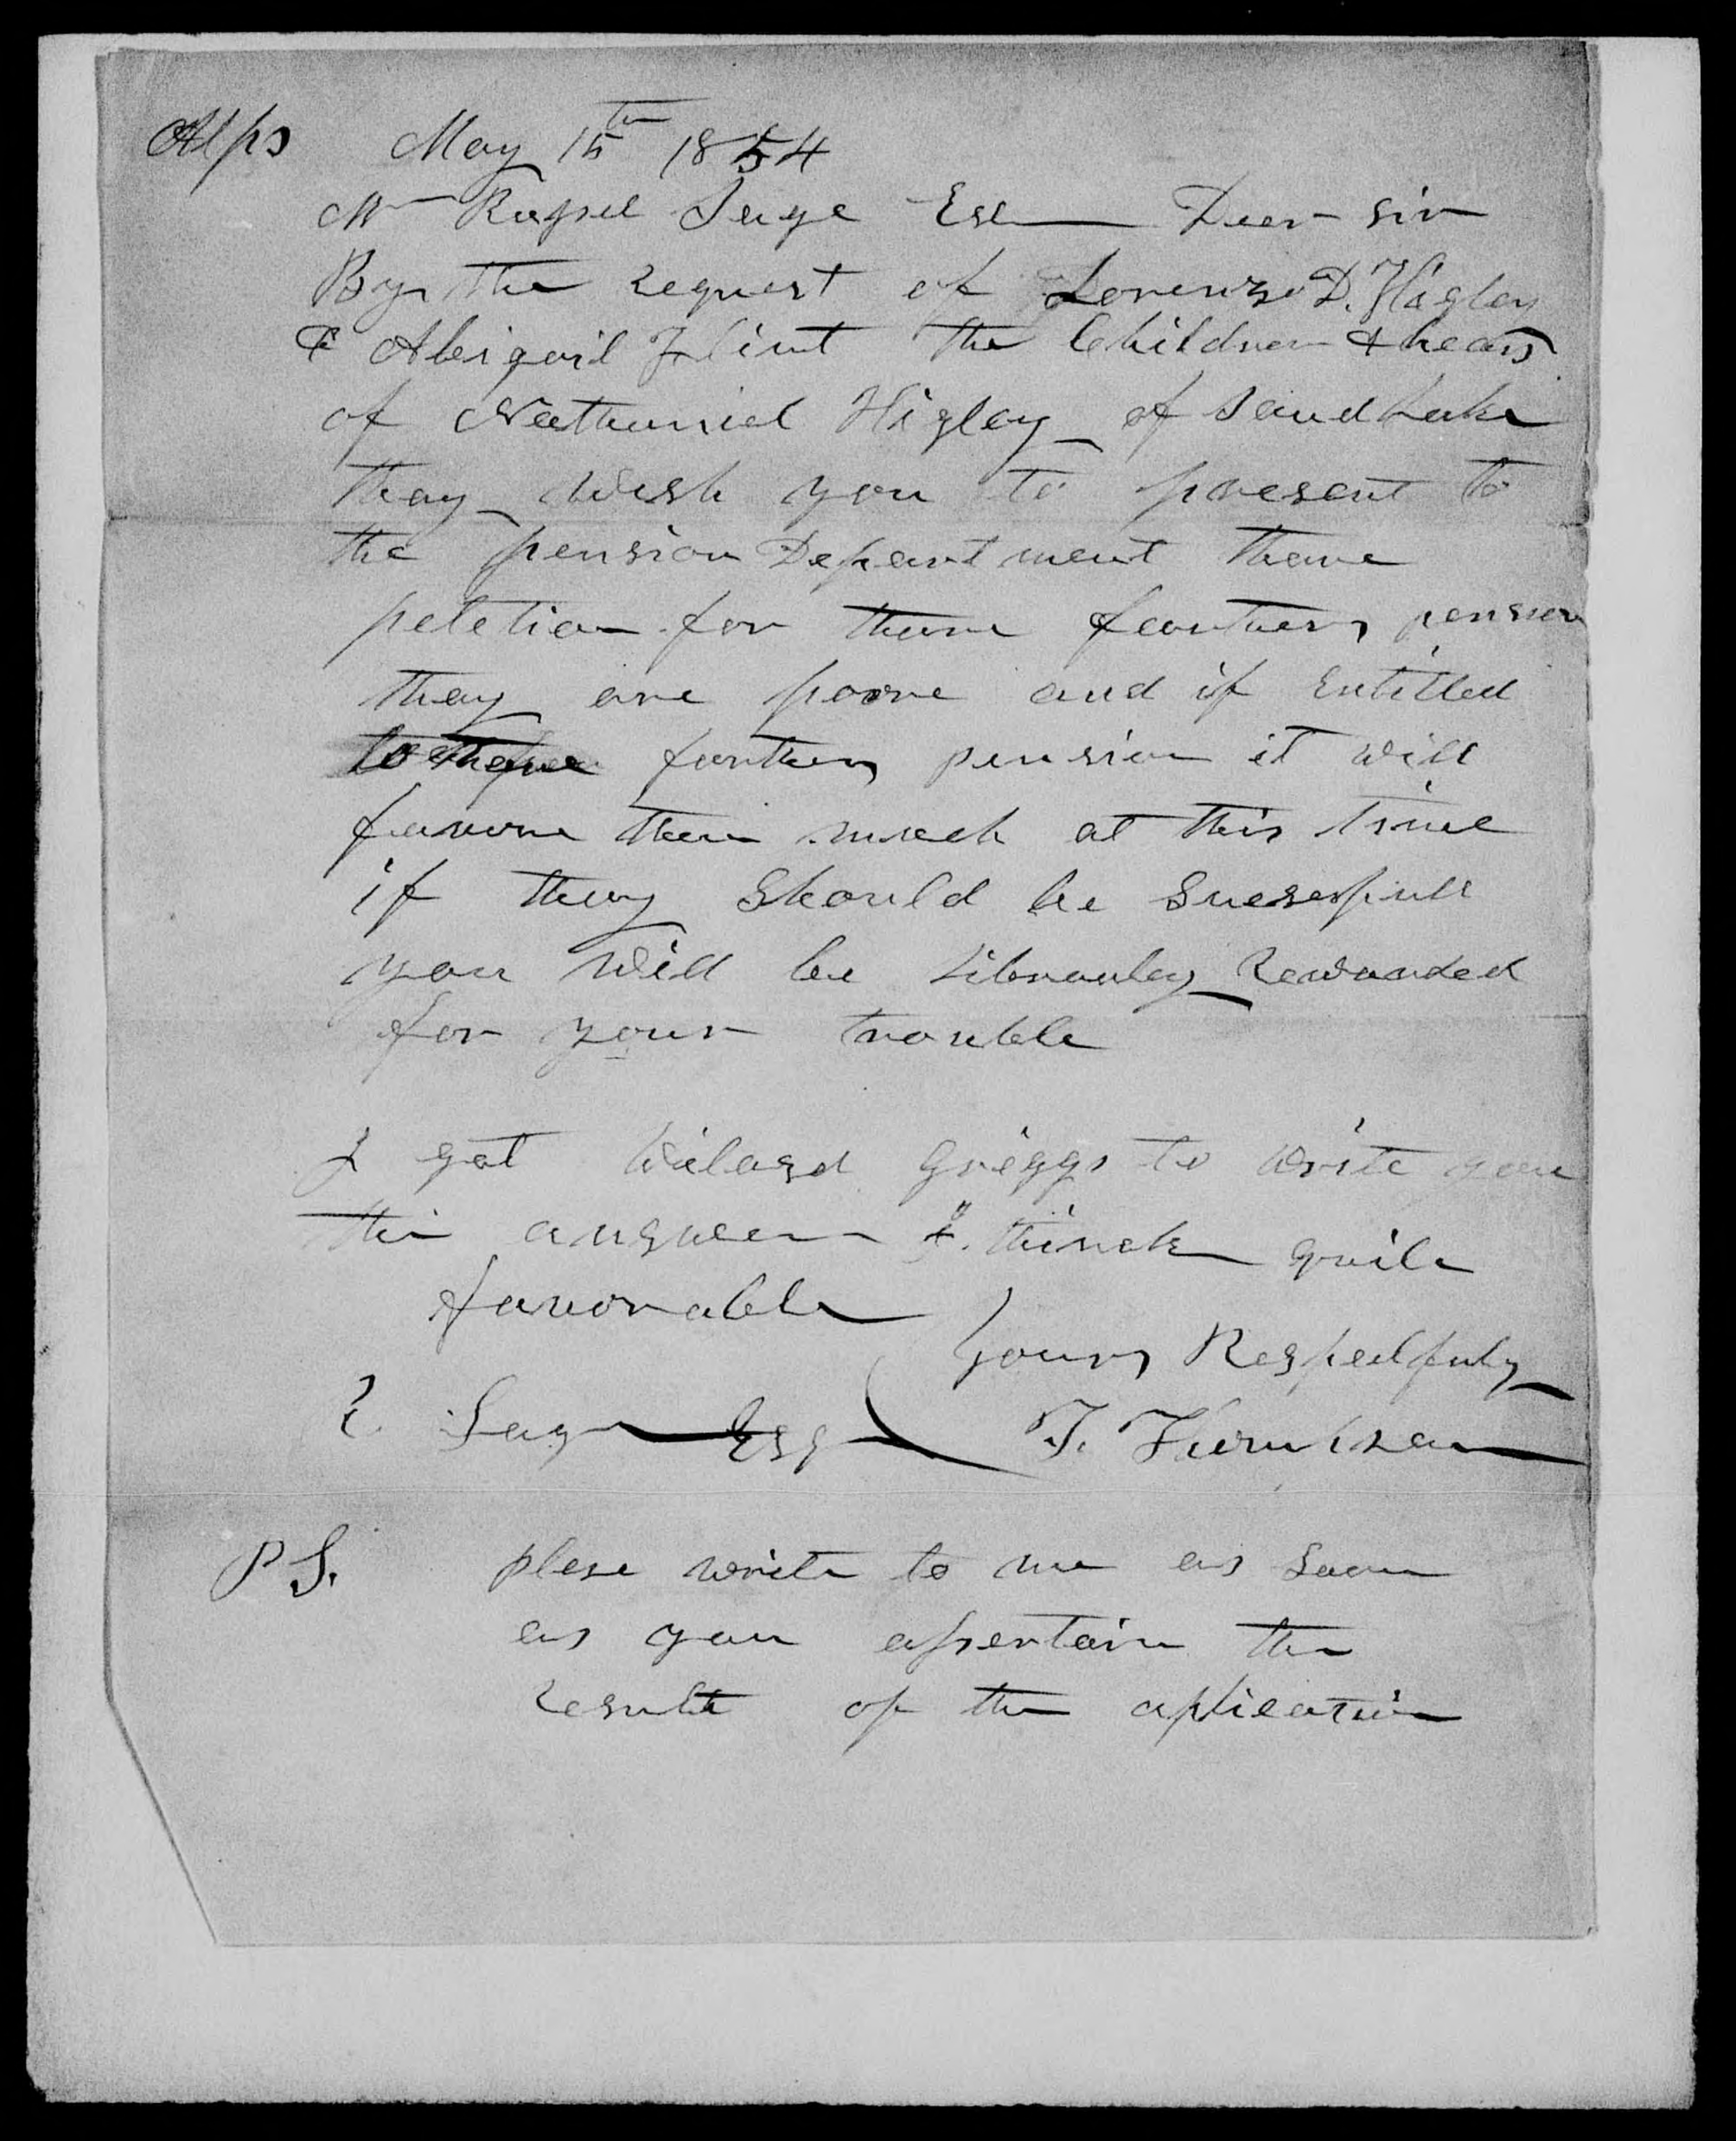Alps  May 15th 1854
[illegible] Russel Sage Esq.    Dear sir By The Request of Lorenzo D. Higley & Abeigail Flint the Children & hears of Nathaniel Higbey of Sand Lake thay wish you to present to the pension Department thare petition for thare farthers pension they are poore and if Entitled to thare farthers pension it will favure theam much at this time if they Should be Successfull you will be liberaley Rewarded for your trouble

I got Wilard Griggs to write you their auguer & thinck guide favorable
Yours Respectfuly
T. Fhernkseon
R. Sage Esq.
PS. Please write to me as soon as you assertain the result of the application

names: T Fhernkson, Wilard Griggs, Nathaniel Higley, Russel Sage, Lorenzo D Higbey, R Sage, Abigail Flint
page: 17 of 25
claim: rejected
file: R. 4972, Nathaniel Higby, Conn.